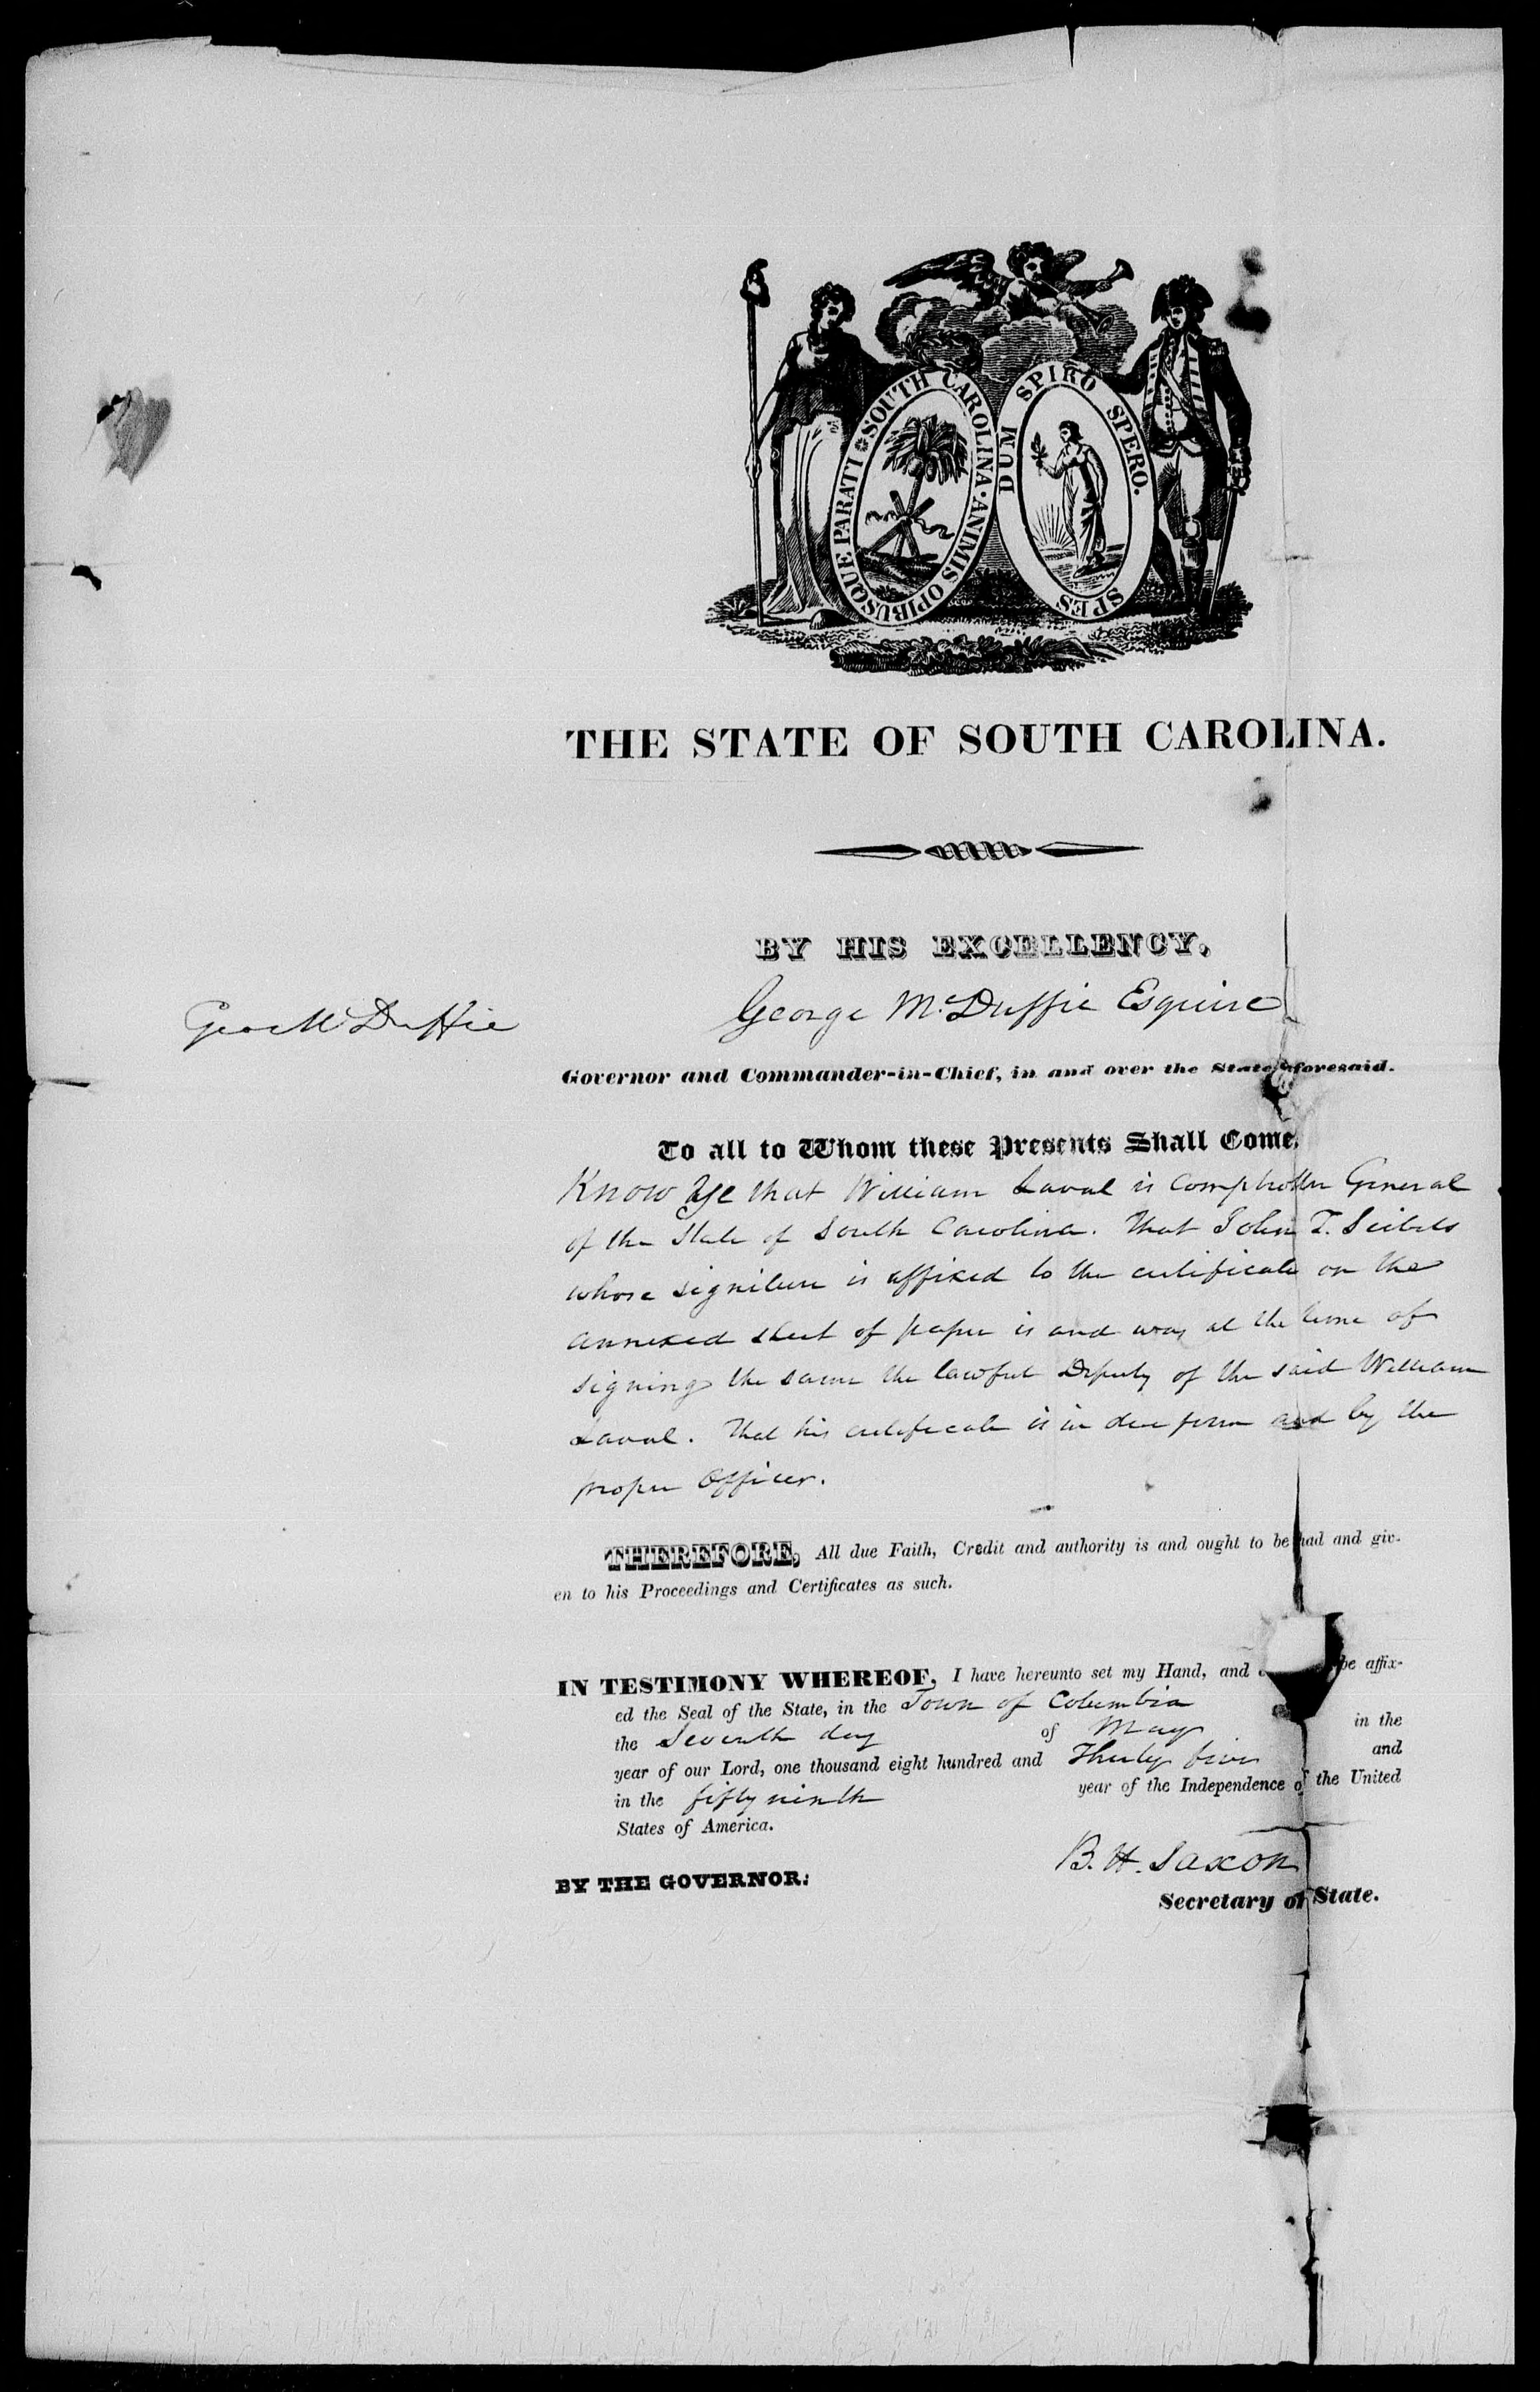At the top of the page is a seal represented by 2 ovals - oval #1 A Palmetto tree with the words South Carolina Animis Opibusque; Oval #2 - A woman with a plant walking with the sun behind her - words - Dum Spiro Spero. Spes

THE STATE OF SOUTH CAROLINA.
 (to the side - Geo M Duffie)
George M. Duffie Esquire
Governor and Commander-in-Chief, in and over the State aforesaid.

To all to Whom these presents Shall Come
Know Ye that William Laval is Comptroller General of the State of South Carolina. That John T. Seibels whose signature is affixed to the certificate on the on the annexed sheet of paper is and was at the time of signing the same the lawful Deputy of the said William Laval. That his certificate is in due form and by the proper officer.

THEREFORE, All due Faith, Credit and authority is and ought to be had and given to his Proceedings and Certificates as such.

 IN TESTIMONY WHEREOF, I have hereunto set my Hand, and [hole in paper] be affixed the Seal of State, in the Town of Columbia the seventh day of May in the year of our Lord, one thousand eight hundred and Thirty five and in the fifty ninth year of the Independance of the United States if America. 
BY THE GOVERNOR.
B.H. Saxon Secretary of State.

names: William Laval, John T Siebels, George M Duffie, Geo M Duffie, William Laval, B H Saxon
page: 33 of 55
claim: widow's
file: W. 22864, John Craig, S.C. Born In Iceland